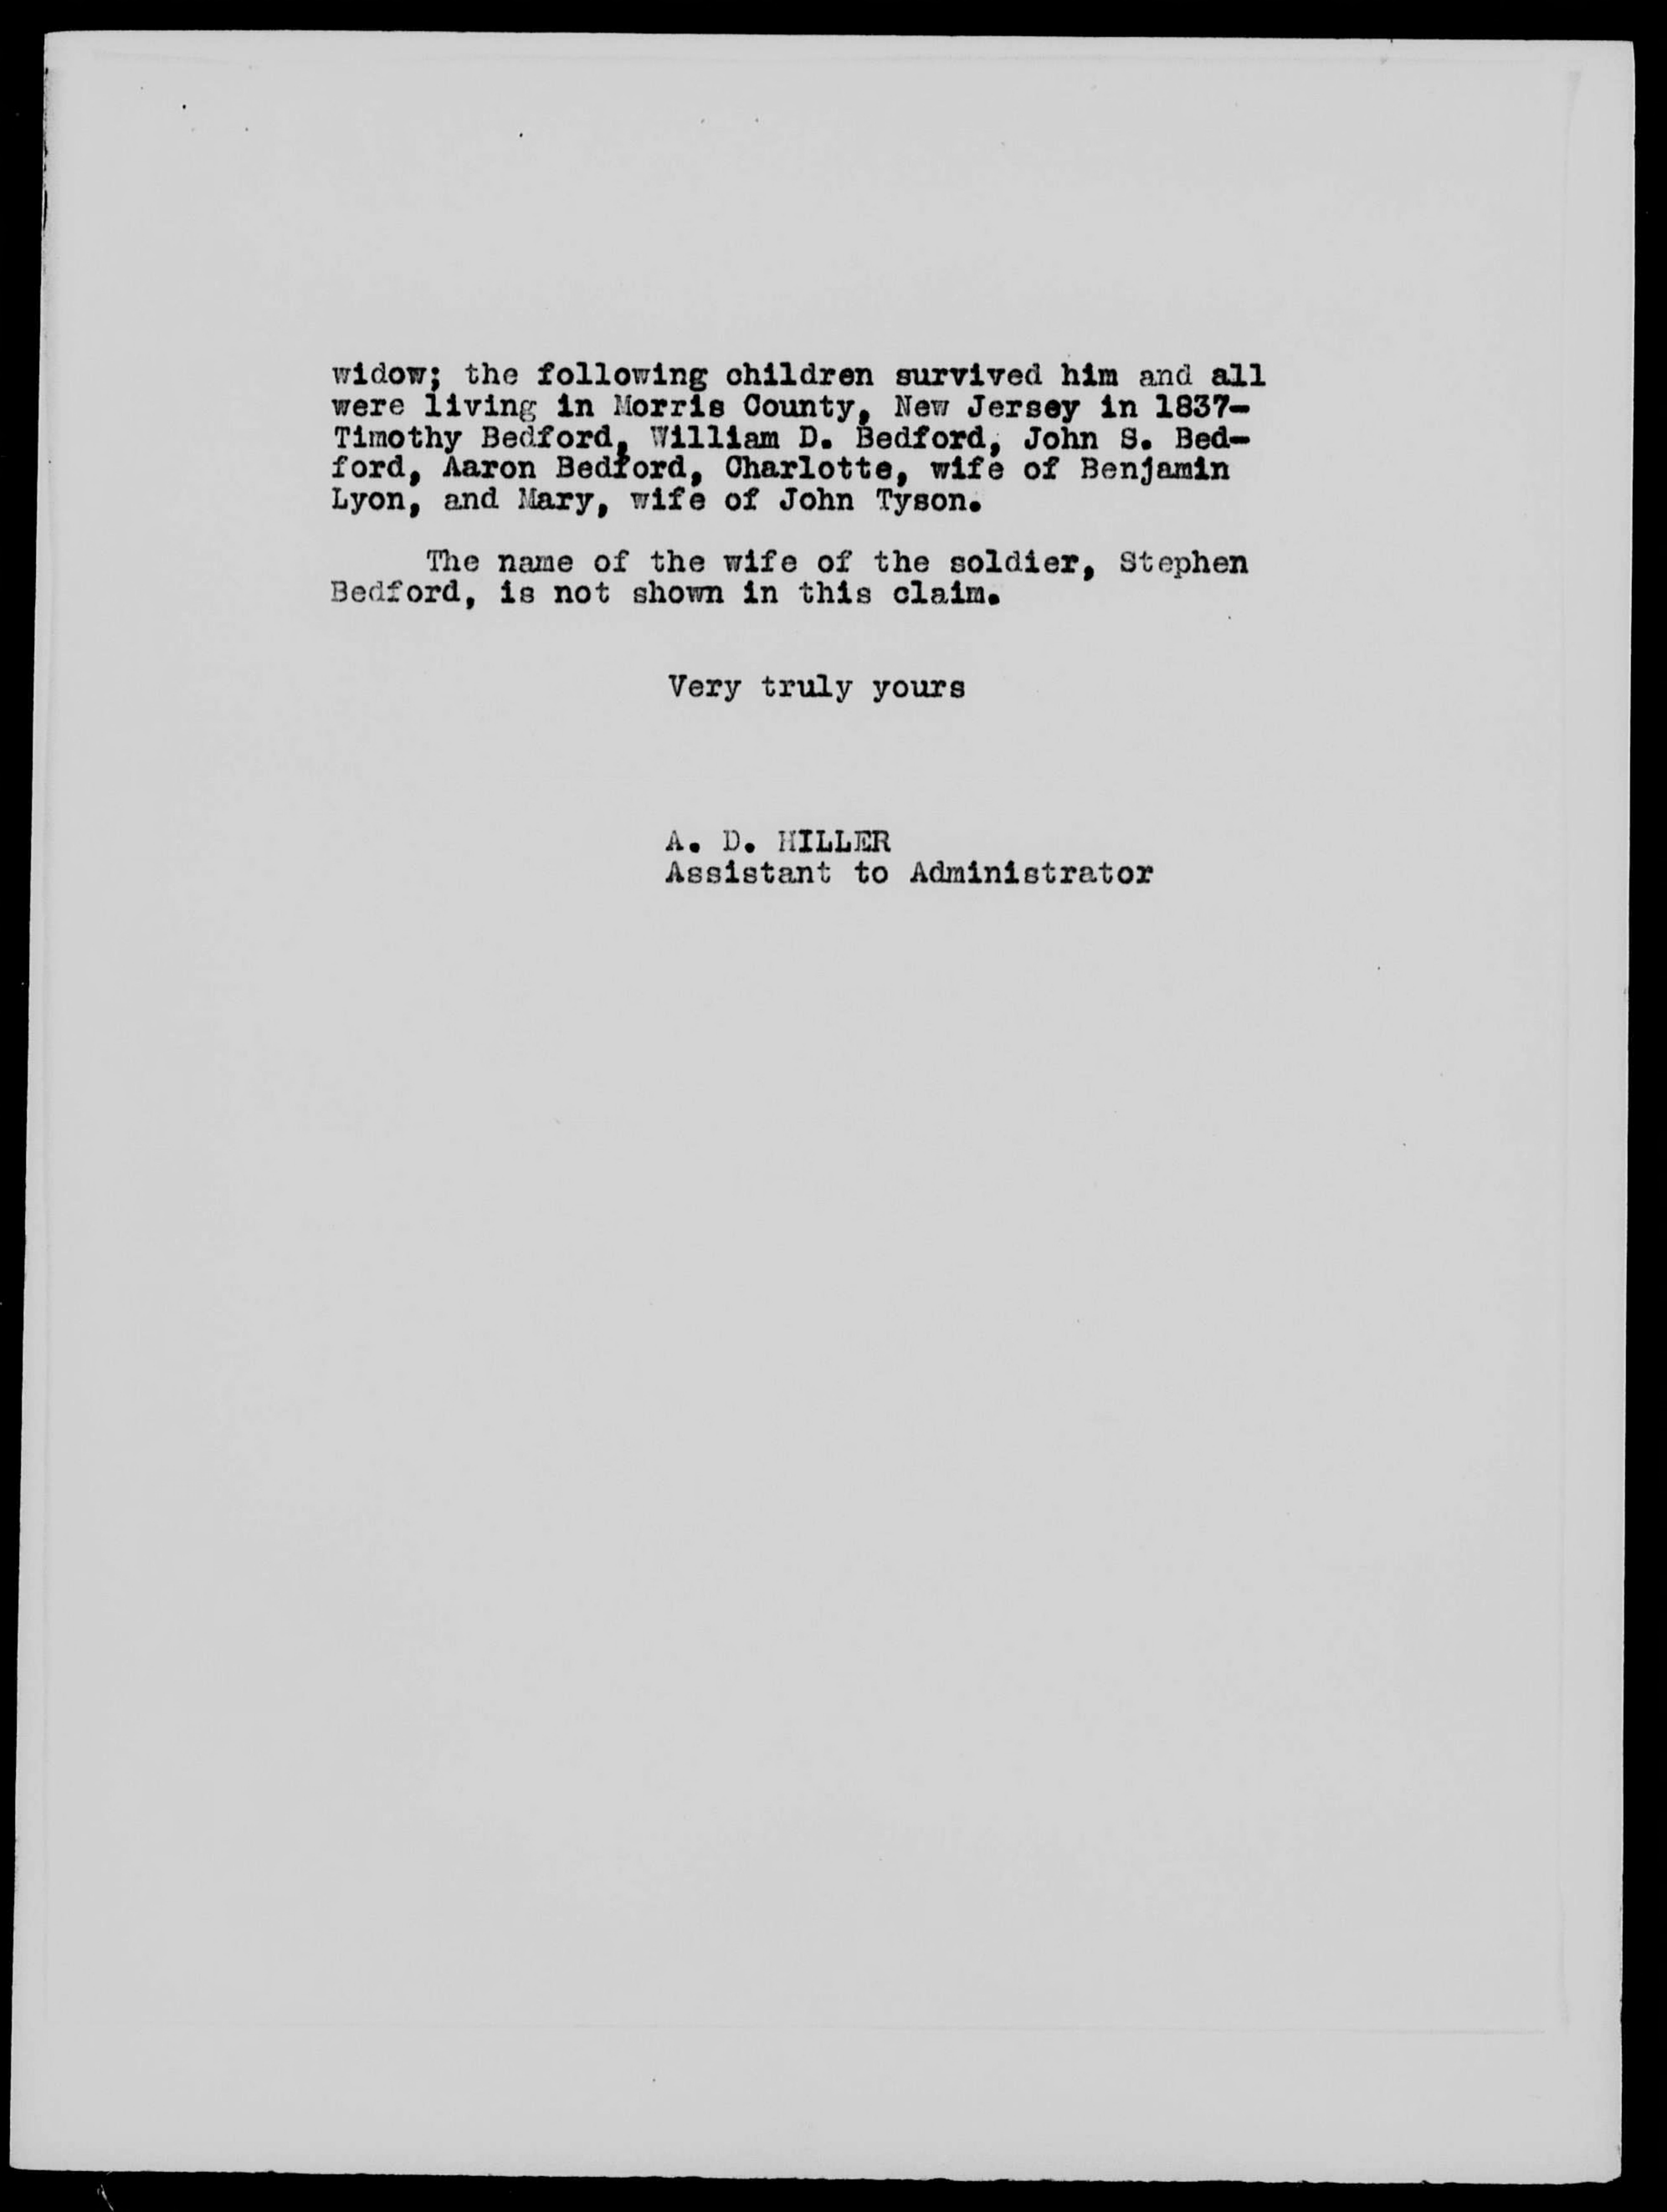widow; the following children survived him and all were living in Morris County, New Jersey in 1837 - Timothy Bedford, William D. Bedford, John S. Bedford, Aaron Bedford, Charlotte, wife of Benjamin Lyon, and Mary, wife of John Tyson.

The name of the wife of the soldier, Stephen
Bedford, is not shown in this claim.

Very truly yours
A. D. HILLER
Assistant to Administrator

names: Stephen Bedford, Benjamin Lyon, Aaron Bedford, Charlotte, John Tyson, A D Hiller, John S Bedford, Mary, Timothy Bedford, William D Bedford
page: 13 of 31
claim: survivor's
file: S. 2372, Stephen Bedford, New Jersey